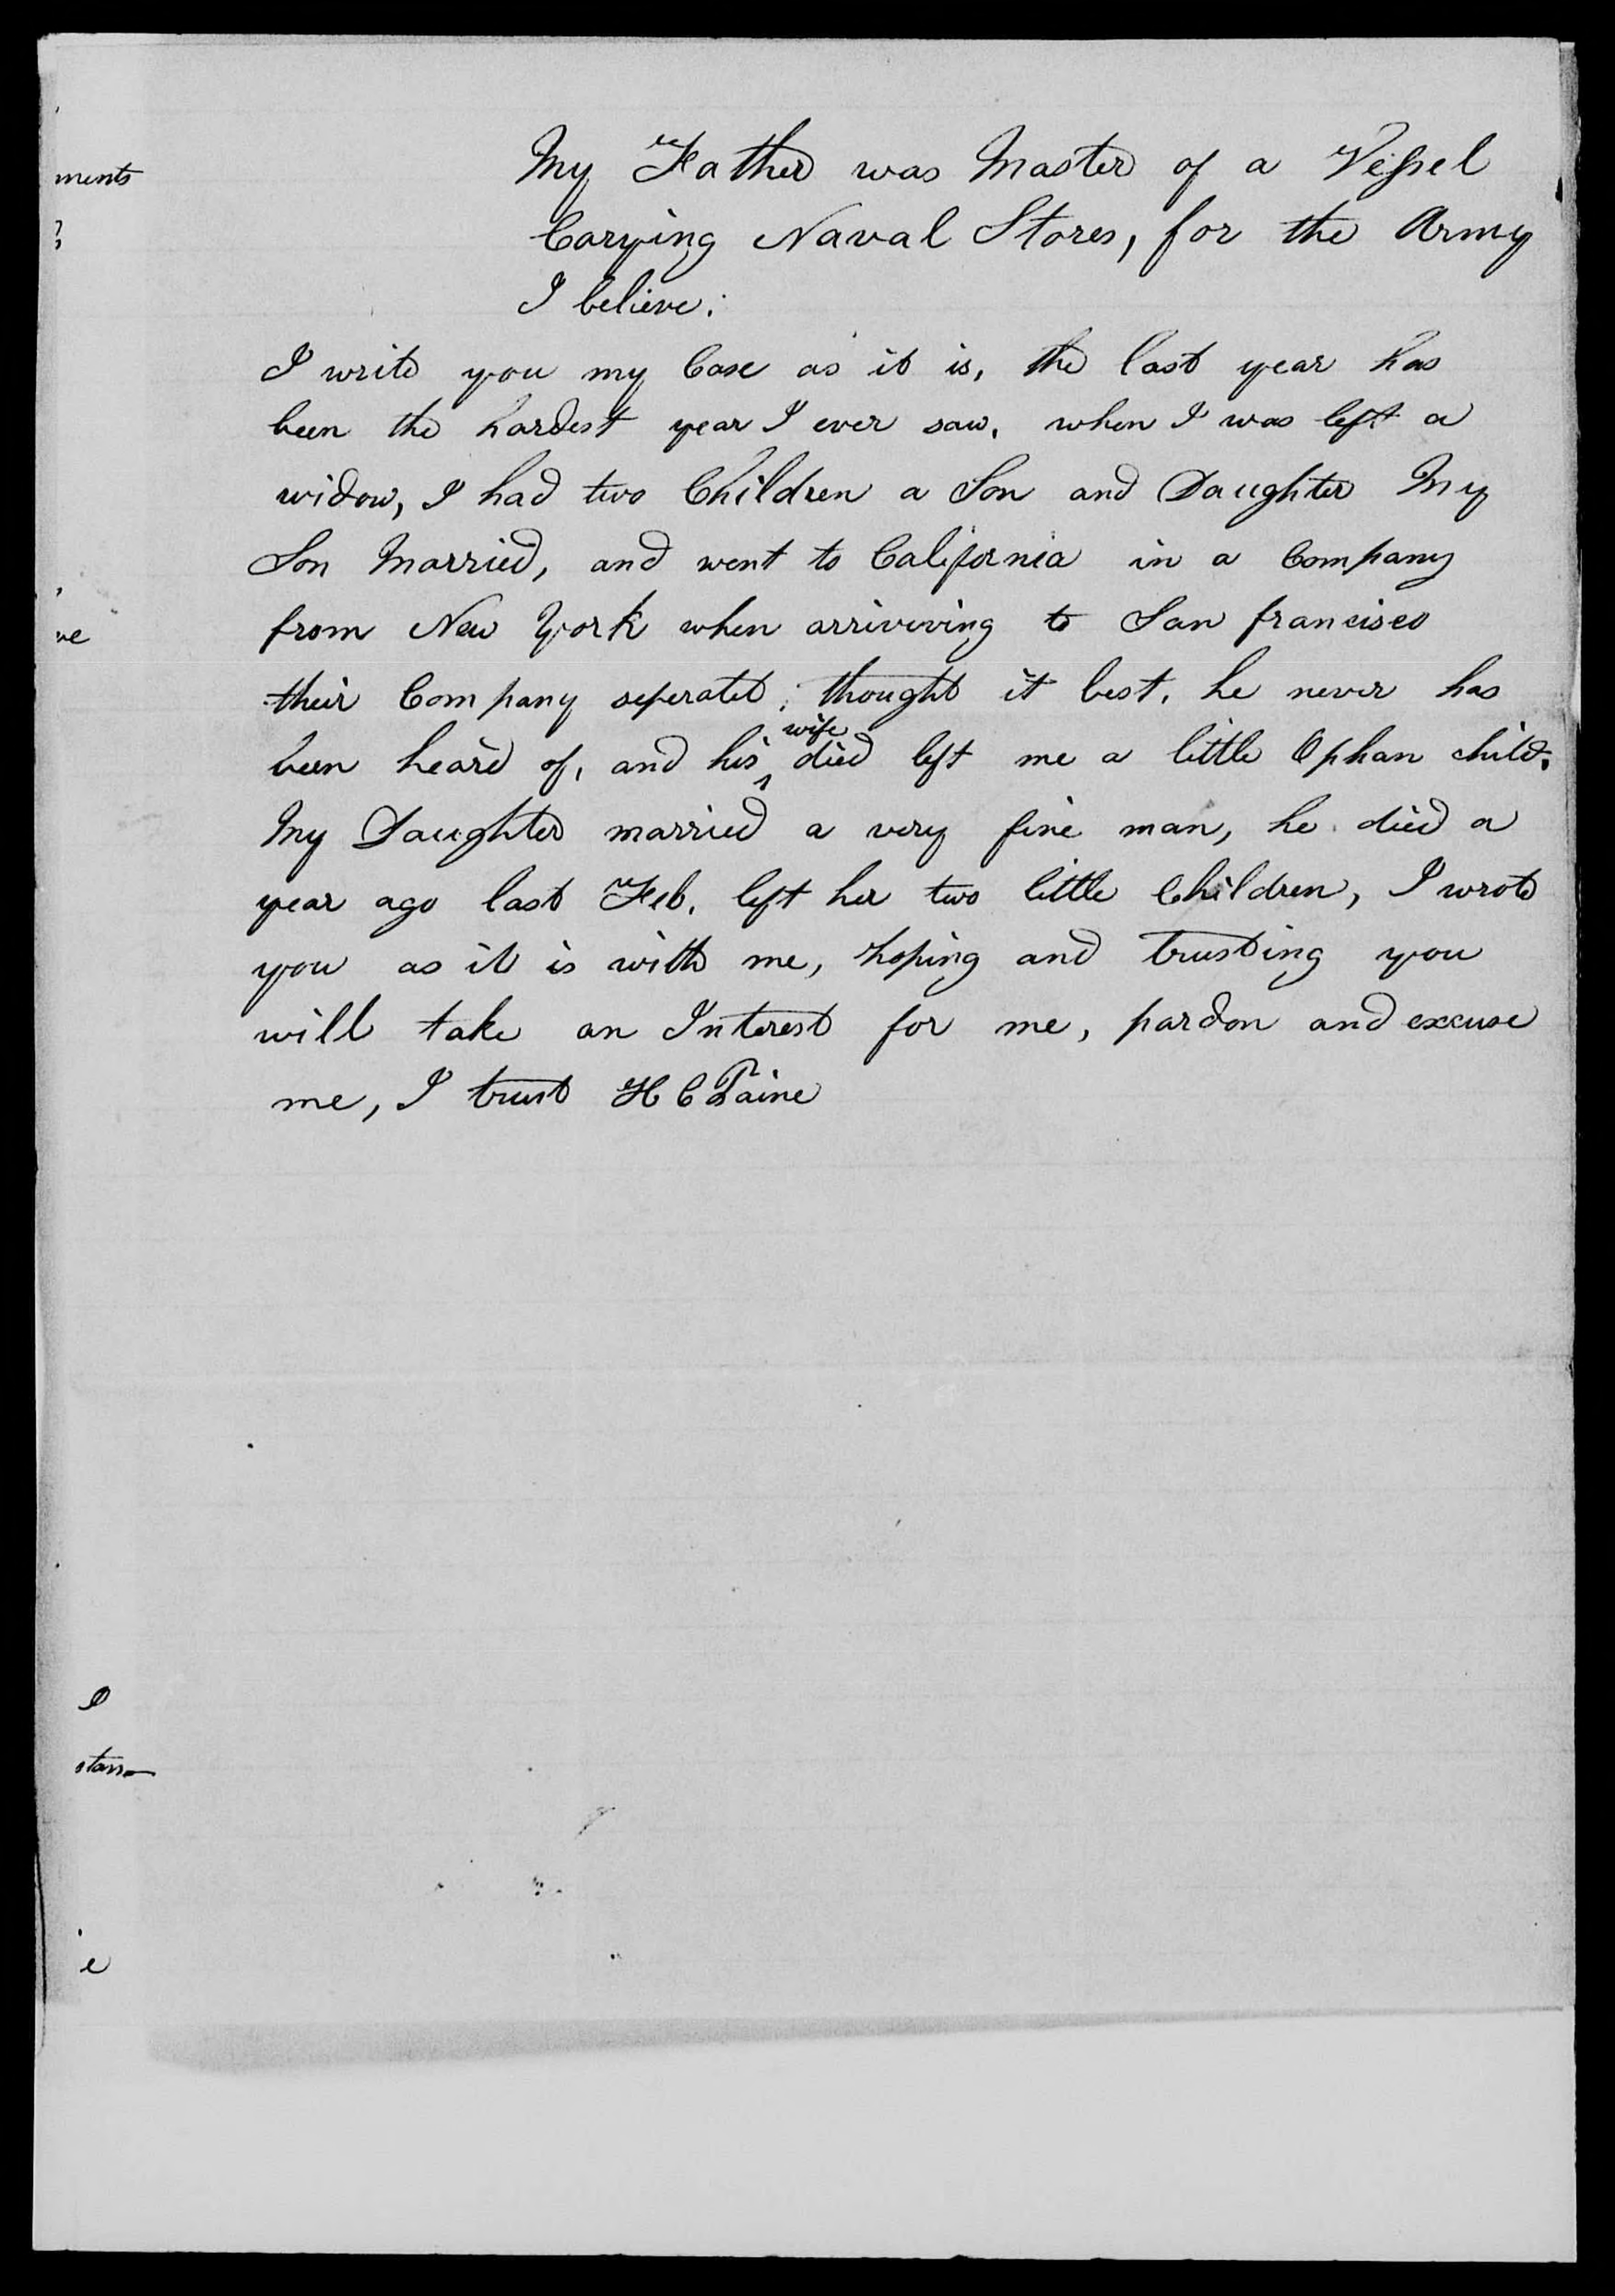my Father was Master of a Vessel Carying Naval Stores, for the Army I believe.

I write you my case as it is, the last year has been the hardest year I ever saw, when I was left a widow, I had two children a Son and Daughter my Son Married, and went to California in a Company from New York when arriviving to San Francisco their Company seperated; thought it best, he never has been heard of, and his wife died left me a little ophan child. My daughter married a very fine man, he died a year ago last Feb. left her two little children, I wrote you as it is with me, hoping and trusting you will take an Interest for me, pardon and excuse me, I trust H C Paine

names: H C Paine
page: 13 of 43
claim: survivor's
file: S. 29,732, John Collins, Mass. Navy